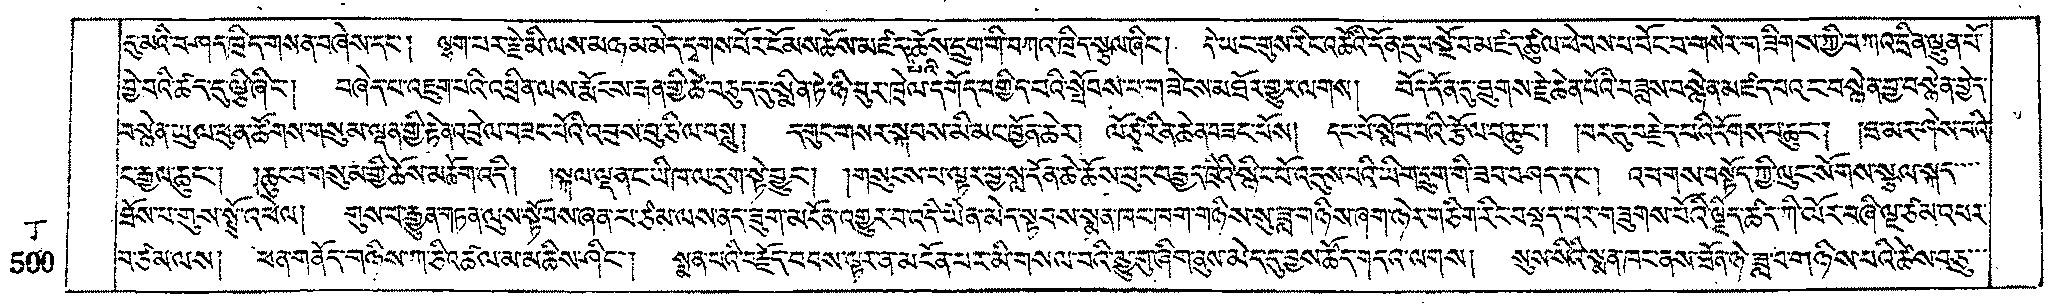དུ་མའི་བཤད་ཁྲིད་གསན་བཞེས་དང་། ལྷག་པར་རྗེ་མི་ལས་མཉམ་མེད་དྭགས་པོར་ངོམས་ཆོས་མཛད་པའི་ཆོས་དྲུག་གི་བཀའ་ཁྲིད་སྩལ་ཞིང་། དེ་ཡང་གུས་རིང་འཚོའི་དོན་དུ་བསྔོ་བ་མཛད་ཚུལ་ཕེབས་པ་བོང་བ་གསེར་གཟིགས་ཀྱི་བཀའ་དྲིན་ལྷུན་པོ་
བྱེ་བའི་ཚད་དུ་ལྕི་ཞིང་། བཞེད་པ་འཇུག་པའི་འཕྲིན་ལས་རྨོངས་རྒན་གྱི་ཚེ་བཅུད་དུ་སྨིན་ཏེ་ཉི་བུར་ཁྲེལ་དགོད་བགྱིད་པའི་སྤོབས་པ་གཟེངས་མཐོར་གྱུར་ལགས། བོད་དོན་དུ་ཐུགས་རྗེ་ཆེན་པོའི་བཟླས་བསྙེན་མཛད་པའང་བསྙེན་བྱ་བསྙེན་བྱེད་
བསྙེན་ཡུལ་ཕུན་ཚོགས་གསུམ་ལྡན་གྱི་རྟེན་འབྲེལ་བཟང་པོའི་འབྲས་བུ་ཅི་ལ་བསླུ། དགུང་གསར་སྐབས་མི་མང་ཁྱོན་ཆེར། ལོ་ཙཱ་རིན་ཆེན་བཟང་པོས། དང་པོ་སློབ་པའི་རྩོལ་བ་ཆུང་། །བར་དུ་བརྗེད་པའི་དོགས་པ་ཆུང་། །ཐ་མར་ཤེས་པའི་
ང་རྒྱལ་ཆུང་། །ཆུང་བ་གསུམ་གྱི་ཆོས་མཆོག་འདི། །སྐལ་ལྡན་ང་ཡི་ཁ་ལ་རུག་སྟེ་བྱུང་། །གསུངས་པ་ལྟར་བྱ་སླ་དོན་ཆེ་ཆོས་ཕུང་བརྒྱད་ཁྲིའི་སྙིང་པོ་འདུས་པའི་ཡིག་དྲུག་གི་ཟབ་བཤད་དང་། འཕགས་བསྟོད་ཀྱི་ལུང་སོགས་སྩལ་སྐད་་་
ཐོས་པ་གུས་སྤྲོ་འཕེལ། གུས་པ་རྒྱུན་གཏན་ལུས་སྟོབས་ཞན་པ་ཙམ་ལས་ནད་ཟུག་མངོན་འགྱུར་བ་འདི་ཡིན་མེད་སྟབས་སྨན་ཁང་ཁག་གཉིས་སུ་ཟླ་གཉིས་ཞག་ཉེར་གཅིག་རིང་བསྡད་པར་གཟུགས་པོའི་ལྗིད་ཚད་ཀི་ལོར་བཞི་ལྔ་ཙམ་འཕར་
བ་ཙམ་ལས། ཕན་གནོད་གཉིས་ཀ་ཅི་འཚལ་མ་མཆིས་ཤིང་། སྨན་པའི་བརྗོད་བབས་ལྟར་ན་མངོན་པར་མི་གསལ་བའི་མྱུ་གུ་ཞིག་ནུས་མེད་དུ་བྱས་ཚོད་གདའ་ལགས། སུས་སིའི་སྨན་ཁང་ནས་ཐོན་ཉེ་ཟླ་བ་གཉིས་པའི་ཚེས་བཅུ་་་